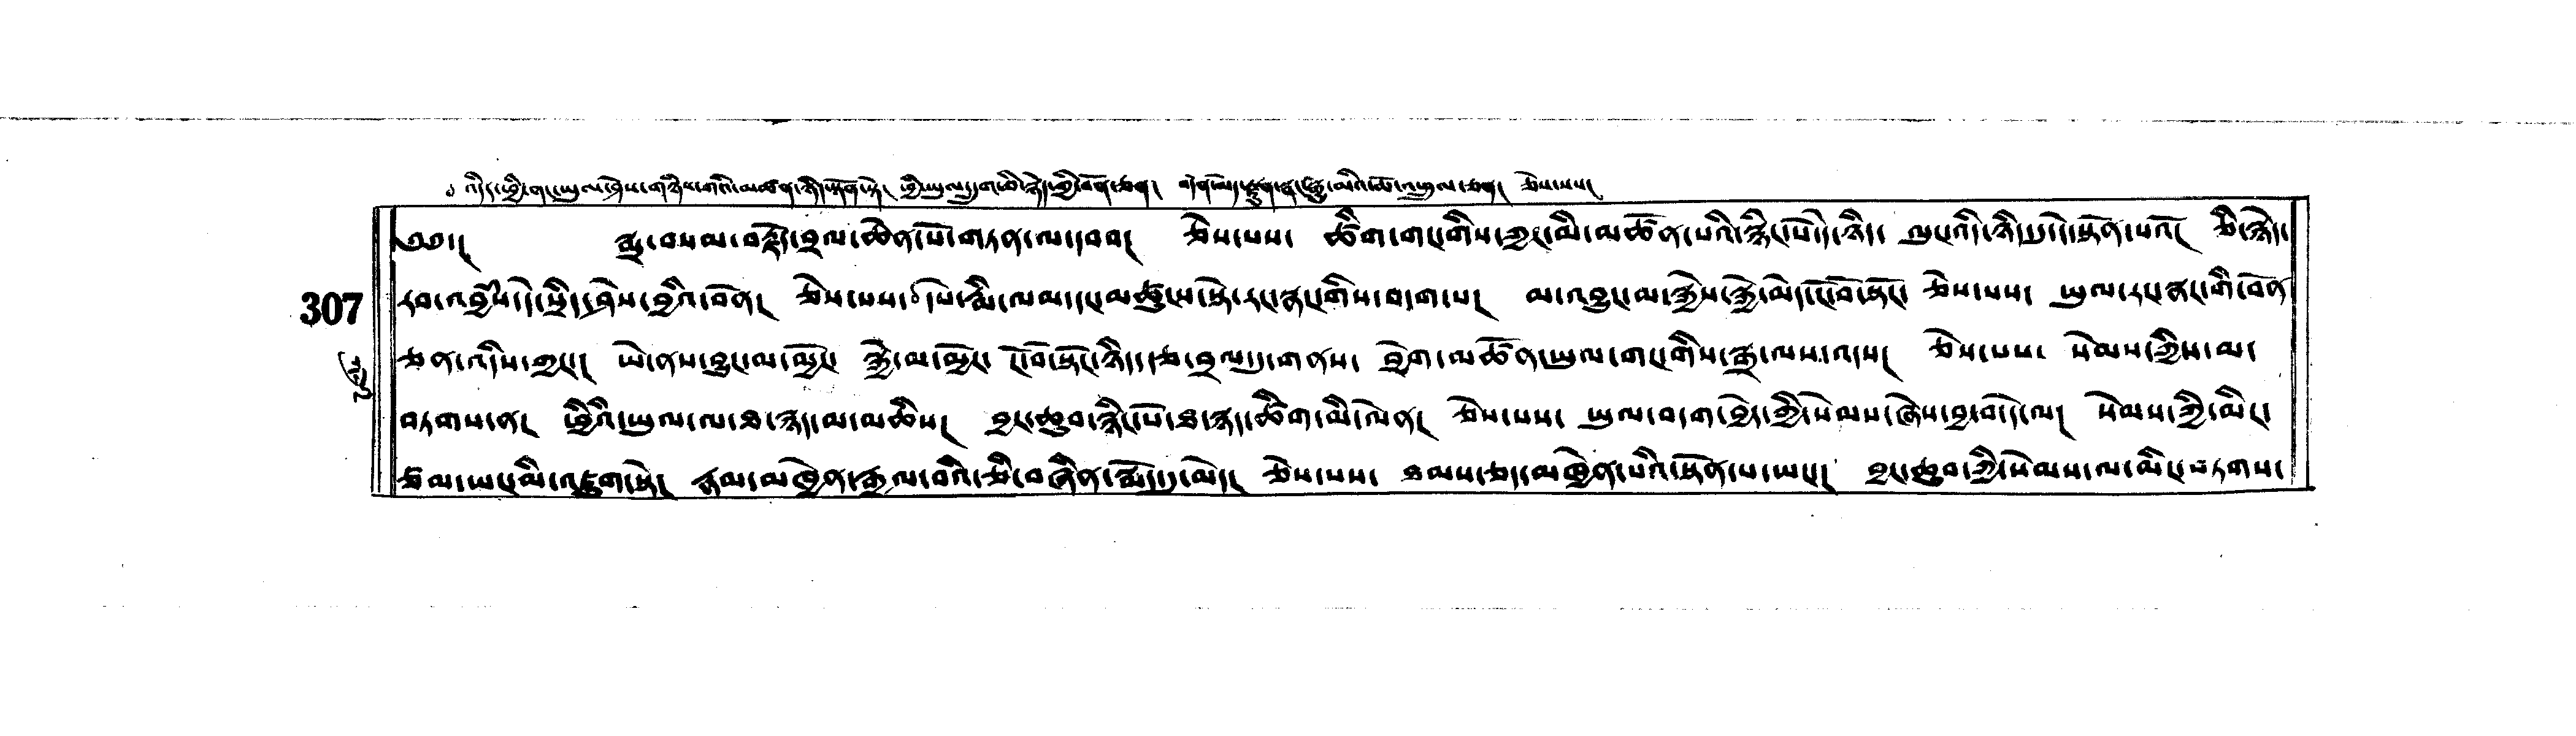སྨྲ་བསམ་བརྗོད་བྲལ་ཆེན་པོ་གཏན་ལ་དབབ། ཅེས་པས། ཚིག་གང་གིས་ཀྱང་མི་མཚོན་པའི་སྙིང་པོ་དེ་ཉིད། ལུང་འདི་ཉིད་དུ་དེ་སྟོན་པའོ། ཅི་སྙེད་
རབ་འབྱམས་དེ་སྲིད་ཤེས་བྱའི་བོན། ཅེས་པས་དཔེ་རྨི་ལམ་དང་མཚུངས་ཏེ་རང་སྣང་གིས་བདག་པ། མ་བྱུང་མ་སྐྱེས་སྐྱེ་མེད་ངོ་བོ་སྟོང་། ཅེས་པས། ཡུལ་རང་སྣང་གི་བོན་
ཅན་འདིས་ཀྱང་། ཡེ་ནས་བྱུང་མ་མྱོང་། སྐྱེ་མ་མྱོང་། ངོ་བོ་སྟོང་ཉིད་རྩ་བྲལ་དུ་གནས། བྱེ་བྲག་མཚོན་ཡུལ་གང་གིས་སྒྲ་ལས་འདས། ཅེས་པས། སེམས་ཀྱིས་མ་
བཏགས་ན། ཕྱི་ཡི་ཡུལ་ལ་ཐ་སྙད་མ་མཆིས། བྱང་ཆུབ་སྙིང་པོ་ཐ་སྙད་ཚིག་མི་ལེན། ཅེས་པས་ཡུལ་བདག་བྱེད་ཀྱི་སེམས་ཞེས་བྱ་བ་དེ་ལ། སེམས་ཀྱི་མིང་
ཙམ་ཡང་མི་འཇུག་སྟེ། རྣམ་མཁྱེན་རྒྱལ་བས་ཅི་བཞིན་སྨྲོས་དུ་མེད། ཅེས་པས། ཐམས་ཅད་མཁྱེན་པའི་སྟོན་པ་ཡང་། བྱང་ཆུབ་ཀྱི་སེམས་ལ་མིང་བཏགས་